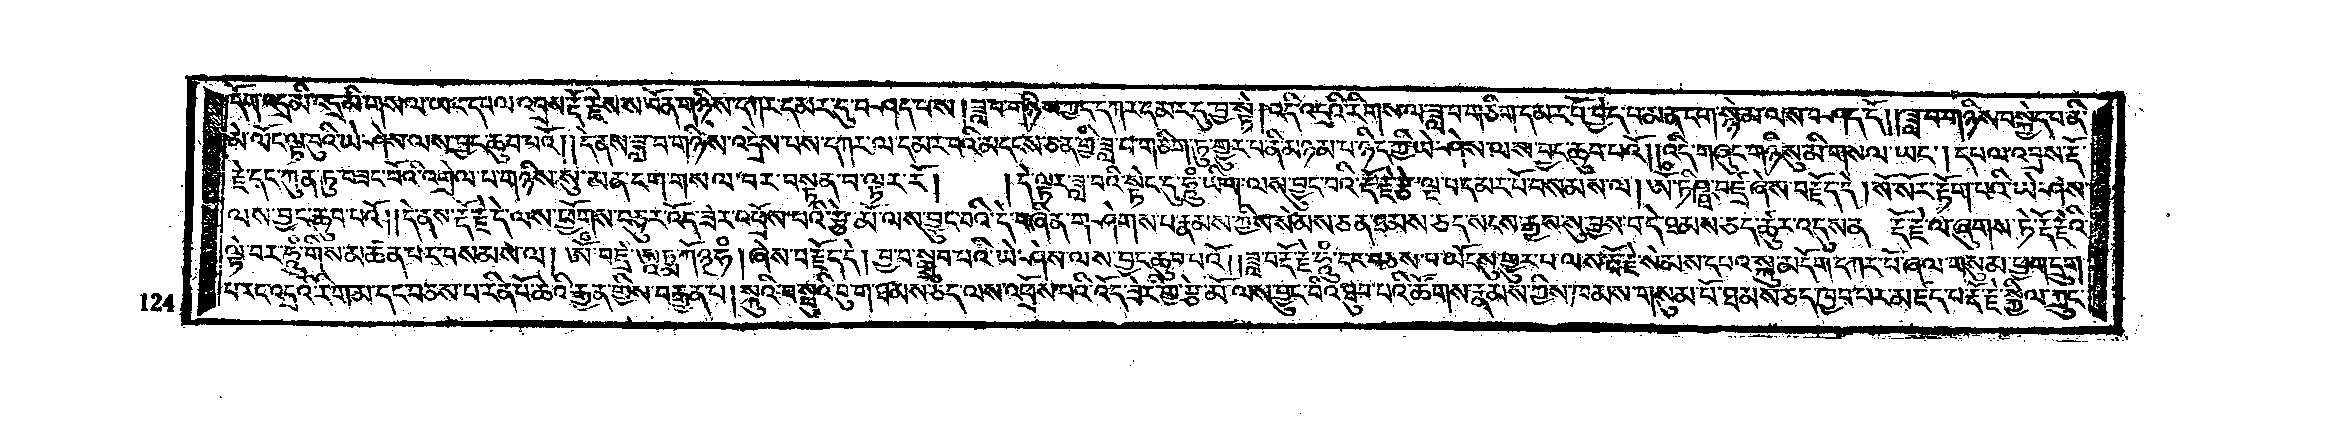དོག་འདྲ་མི་འདྲ་མི་གསལ་ཡང་དཔལ་འབྲས་རྡོ་རྗེས་ས་བོན་གཉིས་དཀར་དམར་དུ་བཤད་པས། ཟླ་བ་གཉིས་ཀྱང་དཀར་དམར་དུ་བྱ་སྟེ། འདི་འདྲའི་རིགས་ལ་ཟླ་བ་གཅིག་དམར་པོ་བྱེད་པ་མན་ངག་སྙི་མ་ལས་བཤད་དོ། །ཟླ་བ་གཉིས་བསྐྱེད་པ་ནི་
མེ་ལོང་ལྟ་བུའི་ཡེ་ཤེས་ལས་བྱང་ཆུབ་པའོ། །དེ་ནས་ཟླ་བ་གཉིས་འདྲེས་པས་དཀར་ལ་དམར་བའི་མདངས་ཅན་གྱི་ཟླ་བ་གཅིག་ཏུ་གྱུར་པ་ནི་མཉམ་པ་ཉིད་ཀྱི་ཡེ་ཤེས་ལས་བྱང་ཆུབ་པའོ། །འདི་གཞུང་གཉིས་སུ་མི་གསལ་ཡང་། དཔལ་འབྲས་རྡོ་
རྗེ་དང་ཀུན་ཏུ་བཟང་པོའི་འགྲེལ་པ་གཉིས་སུ་མན་ངག་གསལ་བར་བསྟན་པ་ལྟར་རོ། །དེ་ལྟར་ཟླ་བའི་སྟེང་དུ་ཧཱུཾ་ཡིག་ལས་བྱུང་བའི་རྡོ་རྗེ་རྩེ་ལྔ་པ་དམར་པོ་བསམས་ལ། ཨོཾ་ཏིཥཊཿཨ་བཛྲ་ཞེས་བརྗོད་དེ། སོ་སོར་རྟོག་པའི་ཡེ་ཤེས་
ལས་བྱང་ཆུབ་པའོ། །དེ་ནས་རྡོ་རྗེ་དེ་ལས་ཕྱོགས་བཅུར་འོད་ཟེར་འཕྲོས་པའི་རྩེ་མོ་ལས་བྱུང་བའི་དེ་བཞིན་གཤེགས་པ་རྣམས་ཀྱིས་སེམས་ཅན་ཐམས་ཅད་སངས་རྒྱས་སུ་བྱས་པ་དེ་ཐམས་ཅད་ཚུར་འདུས་ནས་རྡོ་རྗེ་ལ་ཞུགས་ཏེ་རྡོ་རྗེའི་
ལྟེ་བར་ཧཱུཾ་གིས་མཚན་པར་བསམས་ལ། ཨོཾ་བཛྲ་ཨཱཏྨ་ཀོཉ་ཧཾ། ཞེས་བརྗོད་དེ། བྱ་བ་སྒྲུབ་པའི་ཡེ་ཤེས་ལས་བྱང་ཆུབ་པའོ། །ཟླ་བ་རྡོ་རྗེ་ཧཱུཾ་དང་བཅས་པ་ཡོངས་སུ་གྱུར་པ་ལས་རྡོ་རྗེ་སེམས་དཔའ་སྐུ་མདོག་དཀར་པོ་ཞལ་གསུམ་ཕྱག་དྲུག་
པ་དང་འདྲའི་རིག་མ་དང་བཅས་པ་རིན་པོ་ཆེའི་རྒྱན་གྱིས་བརྒྱན་པ། སྐུའི་བ་སྤུའི་བུ་ག་ཐམས་ཅད་ལས་འཕྲོས་པའི་འོད་ཟེར་གྱི་རྩེ་མོ་ལས་བྱུང་བའི་ཐུབ་པའི་ཚོགས་རྣམས་ཀྱིས་ཁམས་གསུམ་པོ་ཐམས་ཅད་ཁྱབ་པར་མཛད་པ་རྡོ་རྗེ་སྐྱིལ་ཀྲུང་